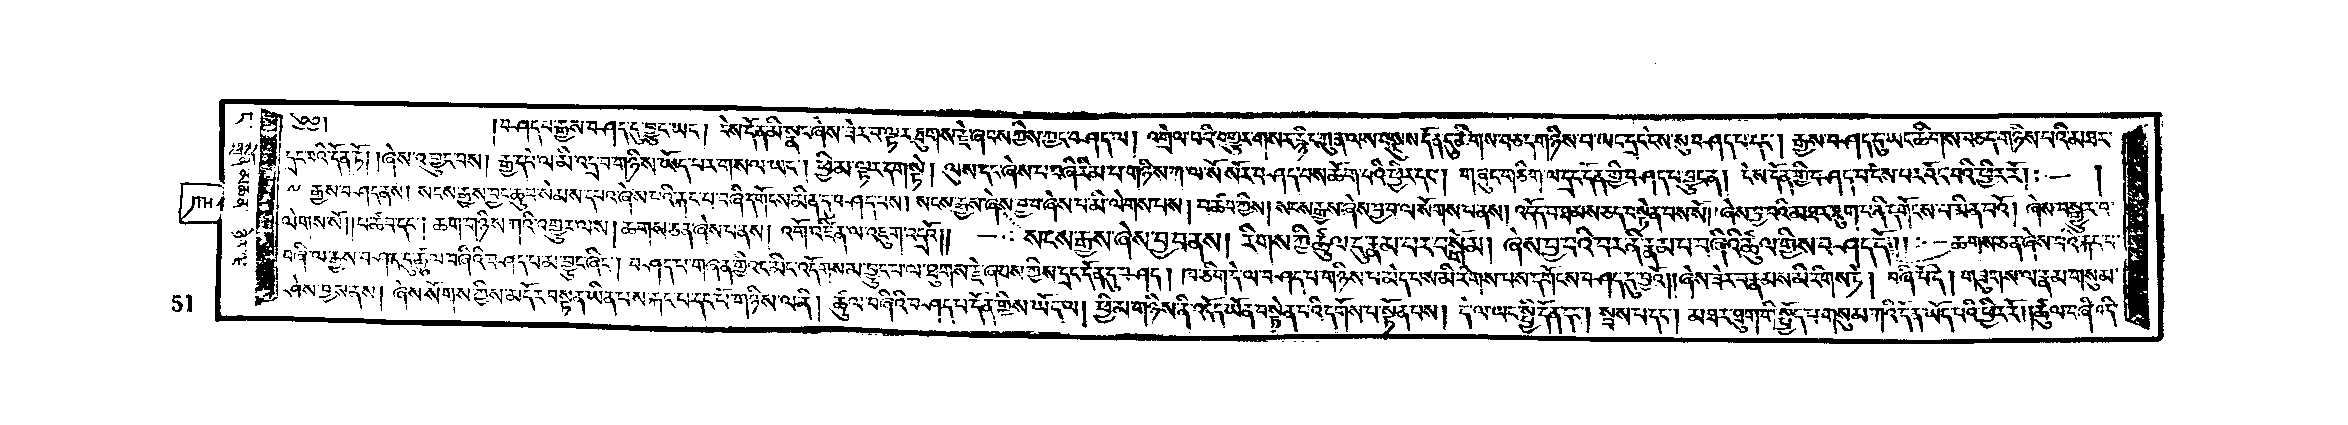༄༅། །བཤད་པ་རྒྱས་བཤད་དུ་བྱུང་ཡང་། ངེས་དོན་མི་སྣང་ཞེས་ཟེར་བ་ལྟར་ཐུགས་རྗེ་ཞབས་ཀྱིས་ཀྱང་བཤད་ལ། འགྲེལ་པའི་འགྱུར་གསར་རྙིང་ཀུན་ལས་བསྡུས་དོན་དུ་ཚིགས་བཅད་གཉིས་པ་ཡང་དྲང་ངེས་སུ་བཤད་པ་དང་། རྒྱས་བཤད་དུ་ཡང་ཚིགས་བཅད་གཉིས་པའི་མཐར་
དྲང་བའི་དོན་ཏོ། །ཞེས་འབྱུང་བས། རྒྱ་དཔེ་ལ་མི་འདྲ་བ་གཉིས་ཡོད་པར་གསལ་ཡང་། ཕྱི་མ་ལྟར་དག་སྟེ། ལུས་དང་ཞེས་པ་བཞི་རིམ་པ་གཉིས་ཀ་ལ་སོ་སོར་བཤད་པས་ཆོག་པའི་ཕྱིར་དང་། གཞུང་གཅིག་ལ་དྲང་དོན་གྱི་བཤད་པ་བྱུང་ན། ངེས་དོན་གྱི་བཤད་པ་ངེས་པར་འོང་བའི་ཕྱིར་རོ།H.་།
༧རྒྱས་བཤད་ནས། སངས་རྒྱས་བྱང་ཆུབ་སེམས་དཔའ་ཞེས་པའི་རྐང་པ་བཞི་དགོངས་མིན་དུ་བཤད་པས། སངས་རྒྱས་ཞེས་བྱ་བ་ཞེས་པ་མི་ལེགས་པས། པ་ཚབ་ཀྱིས། སངས་རྒྱས་ཞེས་བྱ་བ་ལ་སོགས་པ་ནས། འདོད་པ་ཐམས་ཅད་བསྟེན་པས་སོ། །ཞེས་བྱ་བའི་མཐར་ཐུག་པ་ནི་དགོངས་པ་མིན་པའོ། ཞེས་བསྒྱུར་བ་
ལེགས་སོ། །པ་ཚབ་དང་། ཆག་གཉིས་ཀའི་འགྱུར་ལས། ཆགས་ཅན་ཞེས་པ་ནས། འགོ་འཛིན་ལ་འཇུག་འདྲའོ།། .Hསངས་རྒྱས་ཞེས་བྱ་བ་ནས། རིགས་ཀྱི་ཚུལ་དུ་རྣམ་པར་བསྒོམ། ཞེས་བྱ་བའི་བར་ནི་རྣམ་པ་བཞིའི་ཚུལ་གྱིས་བཤད་དོ།།H.་ཆགས་ཅན་ཞེས་པའི་རྐང་པ་
བཞི་ལ་རྒྱས་བཤད་དུ་ཚུལ་བཞིའི་བཤད་པ་མ་བྱུང་ཞིང་། བཤད་པ་གཞན་གྱིའང་མིང་འདོགས་མ་བྱུང་པ་ལ་ཐུགས་རྗེ་ཞབས་ཀྱིས་དྲང་དོན་དུ་བཤད། ཁ་ཅིག་དེ་ལ་བཤད་པ་གཉིས་པ་མེད་པས་མི་རིགས་པས་དགོངས་བཤད་དུ་བྱའོ། །ཞེས་ཟེར་བ་རྣམས་མི་རིགས་ཏེ། བཞི་པོ་དེ། གཟུགས་ལ་རྣམ་གསུམ་
ཤེས་བྱས་ནས། ཞེས་སོགས་ཀྱིས་མདོར་བསྟན་ཡིན་པས་རྐང་པ་དང་པོ་གཉིས་ལ་ནི། ཚུལ་བཞིའི་བཤད་པ་དོན་གྱིས་ཡོད་ལ། ཕྱི་མ་གཉིས་ནི་འདོད་ཡོན་བསྟེན་པའི་དགོས་པ་སྟོན་པས། དེ་ལ་ཡང་སྤྱི་དོན་དང་། སྦས་པ་དང་། མཐར་ཐུག་གི་སྤྱོད་པ་གསུམ་ཀའི་དོན་ཡོད་པའི་ཕྱིར་རོ། །ཚུལ་བཞི་འདི་